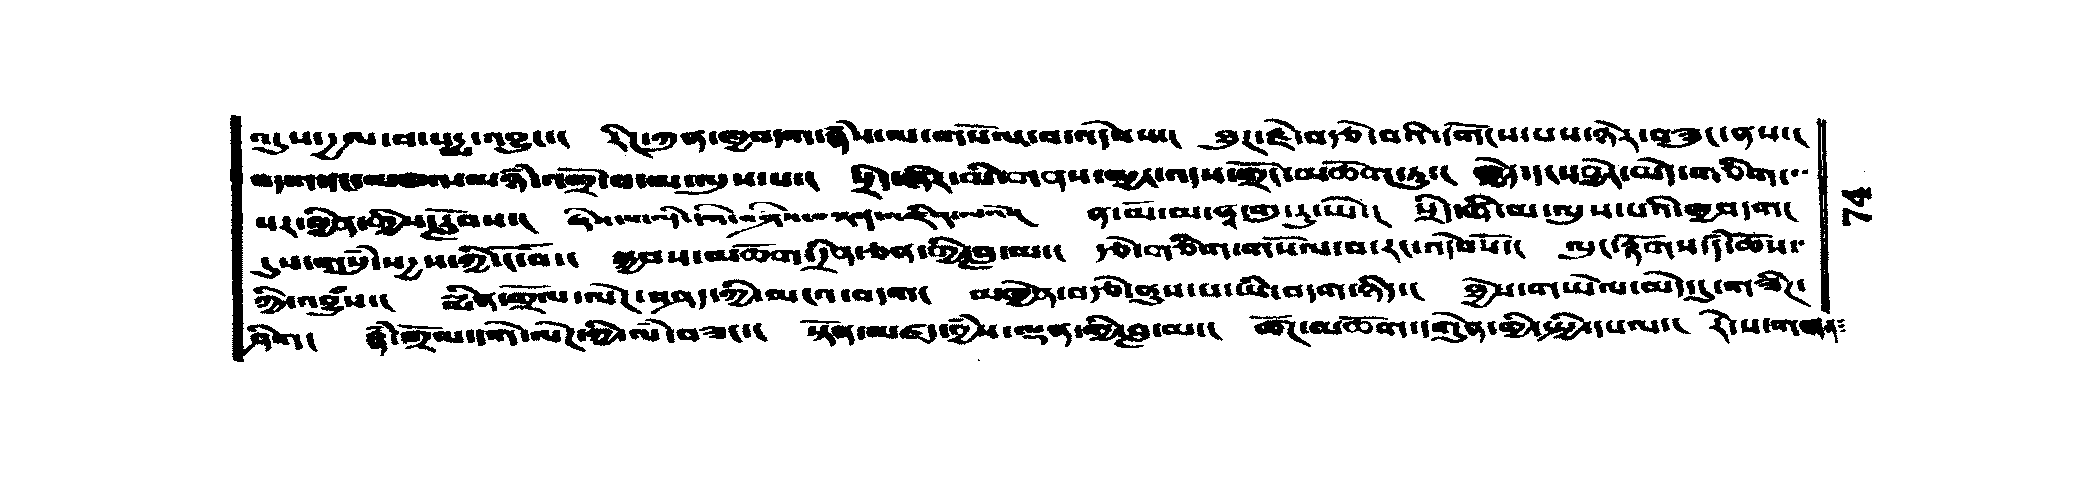འདུས་རྒྱལ་བ་པདྨ་འབྱུང་། །རིགས་ཀུན་ཁྱབ་བདག་རྣམས་ལ་གསོལ་བ་འདེབས། །ཐུགས་རྗེ་བརྩེ་བའི་དགོངས་པས་ཉེར་བཟུང་ནས། །
བདག་དང་མཁའ་མཉམ་འགྲོ་བ་མ་ལུས་པ། །སྲིད་ཞིར་མི་གནས་མྱང་འདས་གྲོང་མཆོག་ཏུ། །ཁྱེད་དང་དབྱེར་མེད་གཅིག་
པར་བྱིན་གྱིས་རློབས།། ཞེས་པ་འདི་དགེ་བཤེས་བསྟན་འཛིན་ལའོ།། ན་མོ་མ་ཧཱ་གུ་རུ་ཡེ། སྲིད་ཞི་མ་ལུས་པའི་ཁྱབ་བདག 
དུས་གསུམ་སངས་རྒྱས་ཀྱི་ངོ་བོ། །སྐྱབས་མཆོག་དྲིན་ཅན་གྱི་བླ་མ། །རྩེ་གཅིག་གསོལ་བ་རང་འདེབས་སོ། །ལུང་རྟོགས་དམ་ཆོས་
ཀྱི་འབྱུང་གནས། །སྨིན་གྲོལ་ལེགས་བཤད་ཀྱི་མངའ་བདག །མཁྱེན་བརྩེ་ནུས་པ་ཡི་བདག་ཉིད། །ཐུགས་རྗེས་གཡལ་མེད་དུ་གཟིགས་
ཤིག །རྣམ་གྲོལ་དགེ་ལེགས་ཀྱི་ལམ་བཟང་། །སྟོན་མཛད་བྱམས་ལྡན་གྱི་བླ་མ། །ཚོགས་མཆོག་དགེ་འདུན་གྱི་སྤྱི་དཔལ། །རེ་ས་གཞན་